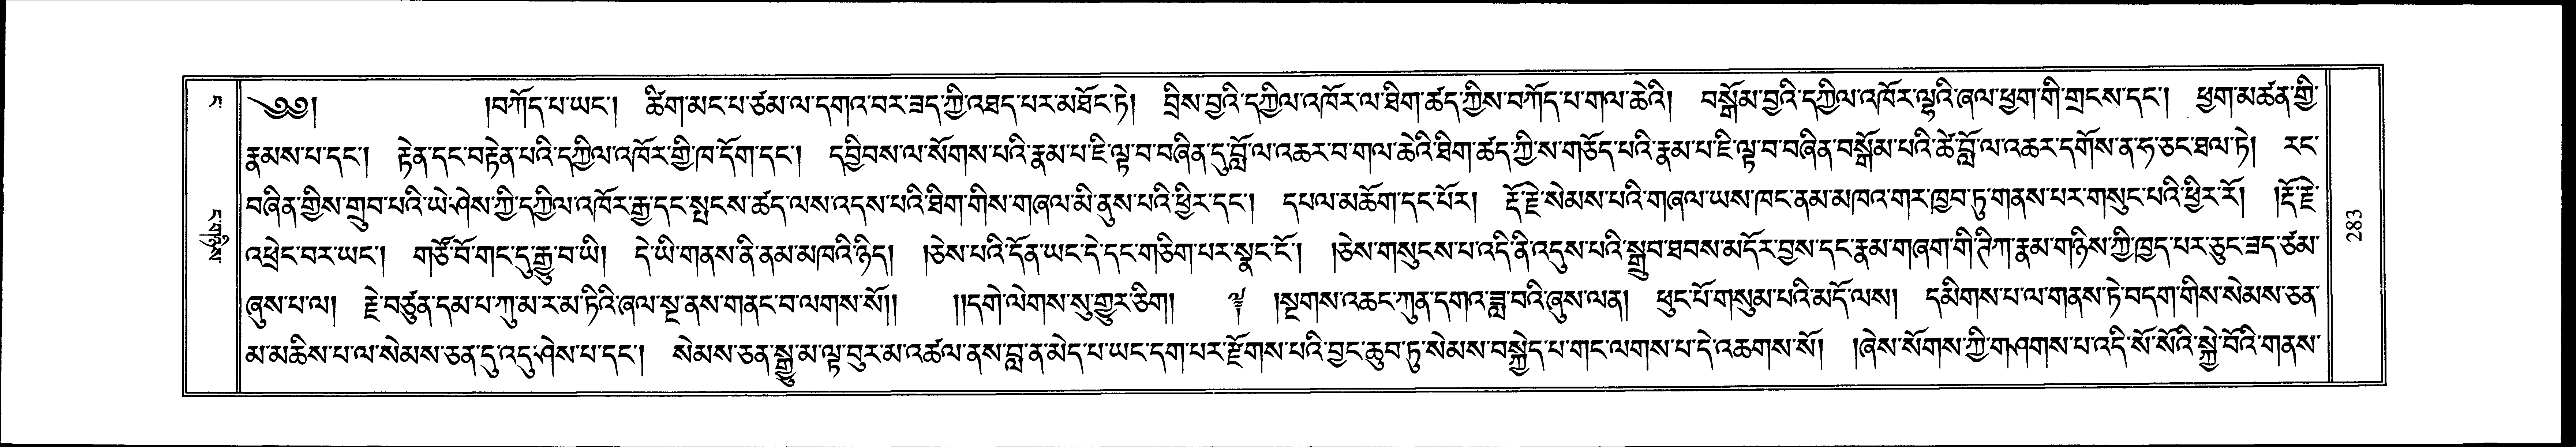༄༅། །བཀོད་པ་ཡང་། ཚིག་མང་པ་ཙམ་ལ་དགའ་བར་ཟད་ཀྱི་འཐད་པར་མཐོང་ཏེ། བྲིས་བྱའི་དཀྱིལ་འཁོར་ལ་ཐིག་ཚད་ཀྱིས་བཀོད་པ་གལ་ཆེའི། བསྒོམ་བྱའི་དཀྱིལ་འཁོར་ལྷའི་ཞལ་ཕྱག་གི་གྲངས་དང་། ཕྱག་མཚན་གྱི་
རྣམས་པ་དང་། རྟེན་དང་བརྟེན་པའི་དཀྱིལ་འཁོར་གྱི་ཁ་དོག་དང་། དབྱིབས་ལ་སོགས་པའི་རྣམ་པ་ཇི་ལྟ་བ་བཞིན་དུ་བློ་ལ་འཆར་བ་གལ་ཆེའི་ཐིག་ཚད་ཀྱི་ས་གཅོད་པའི་རྣམ་པ་ཇི་ལྟ་བ་བཞིན་བསྒོམ་པའི་ཚེ་བློ་ལ་འཆར་དགོས་ན་ཧ་ཅང་ཐལ་ཏེ། རང་
བཞིན་གྱིས་གྲུབ་པའི་ཡེ་ཤེས་ཀྱི་དཀྱིལ་འཁོར་རྒྱ་དང་སྤངས་ཚད་ལས་འདས་པའི་ཐིག་གིས་གཞལ་མི་ནུས་པའི་ཕྱིར་དང་། དཔལ་མཆོག་དང་པོར། རྡོ་རྗེ་སེམས་པའི་གཞལ་ཡས་ཁང་ནམ་མཁའ་གར་ཁྱབ་ཏུ་གནས་པར་གསུང་པའི་ཕྱིར་རོ། །རྡོ་རྗེ་
འཕྲེང་བར་ཡང་། གཙོ་བོ་གང་དུ་རྒྱུ་བ་ཡི། དེ་ཡི་གནས་ནི་ནམ་མཁའི་ཉིད། །ཅེས་པའི་དོན་ཡང་དེ་དང་གཅིག་པར་སྣང་ངོ། །ཅེས་གསུངས་པ་འདི་ནི་འདུས་པའི་སྒྲུབ་ཐབས་མདོར་བྱས་དང་རྣམ་གཞག་གི་ཊིཀ་རྣམ་གཉིས་ཀྱི་ཁྱད་པར་ཅུང་ཟད་ཙམ་
ཞུས་པ་ལ། རྗེ་བཙུན་དམ་པ་ཀུ་མ་ར་མ་ཏིའི་ཞལ་སྔ་ནས་གནང་བ་ལགས་སོ།། །།དགེ་ལེགས་སུ་གྱུར་ཅིག། ༈ །སྔགས་འཆང་ཀུན་དགའ་ཟླ་བའི་ཞུས་ལན། ཕུང་པོ་གསུམ་པའི་མདོ་ལས། དམིགས་པ་ལ་གནས་ཏེ་བདག་གིས་སེམས་ཅན་
མ་མཆིས་པ་ལ་སེམས་ཅན་དུ་འདུ་ཤེས་པ་དང་། སེམས་ཅན་སྒྱུ་མ་ལྟ་བུར་མ་འཚལ་ནས་བླ་ན་མེད་པ་ཡང་དག་པར་རྫོགས་པའི་བྱང་ཆུབ་ཏུ་སེམས་བསྐྱེད་པ་གང་ལགས་པ་དེ་འཆགས་སོ། །ཞེས་སོགས་ཀྱི་གཤགས་པ་འདི་སོ་སོའི་སྐྱེ་བོའི་གནས་